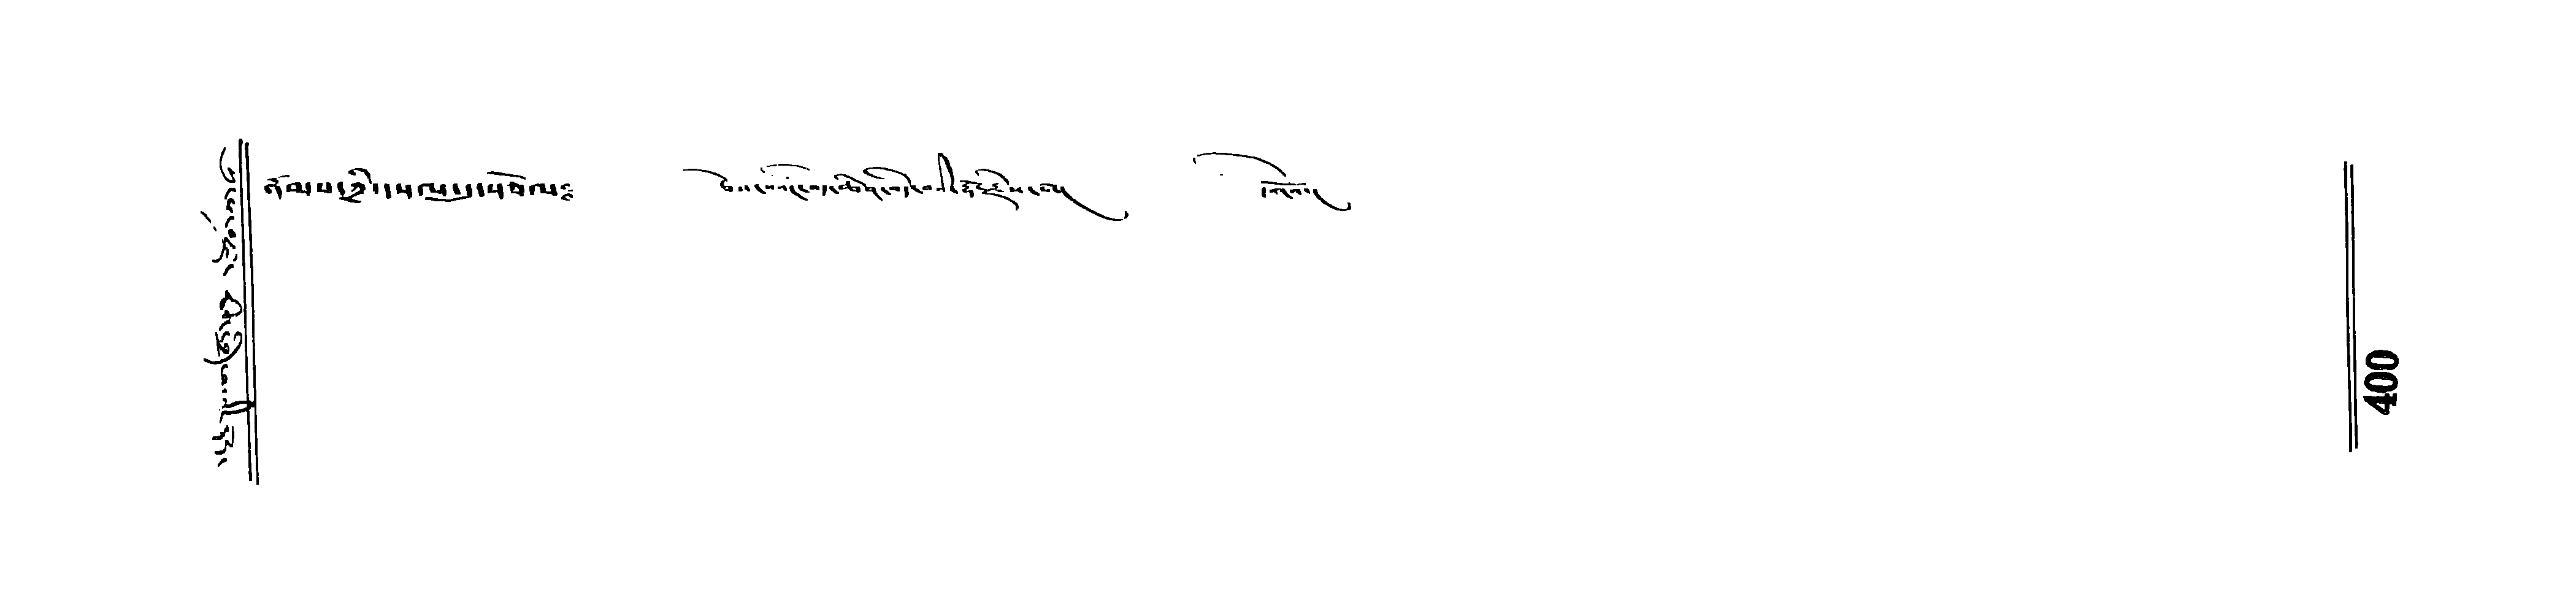རྣམས་ཀྱི་དཔལ་དུ་སྩོལ༔ ཅེས་པའང་བདེ་ཆེན་བདེ་བའི་རྡོ་རྗེས་སོ།། དགེའོ།།